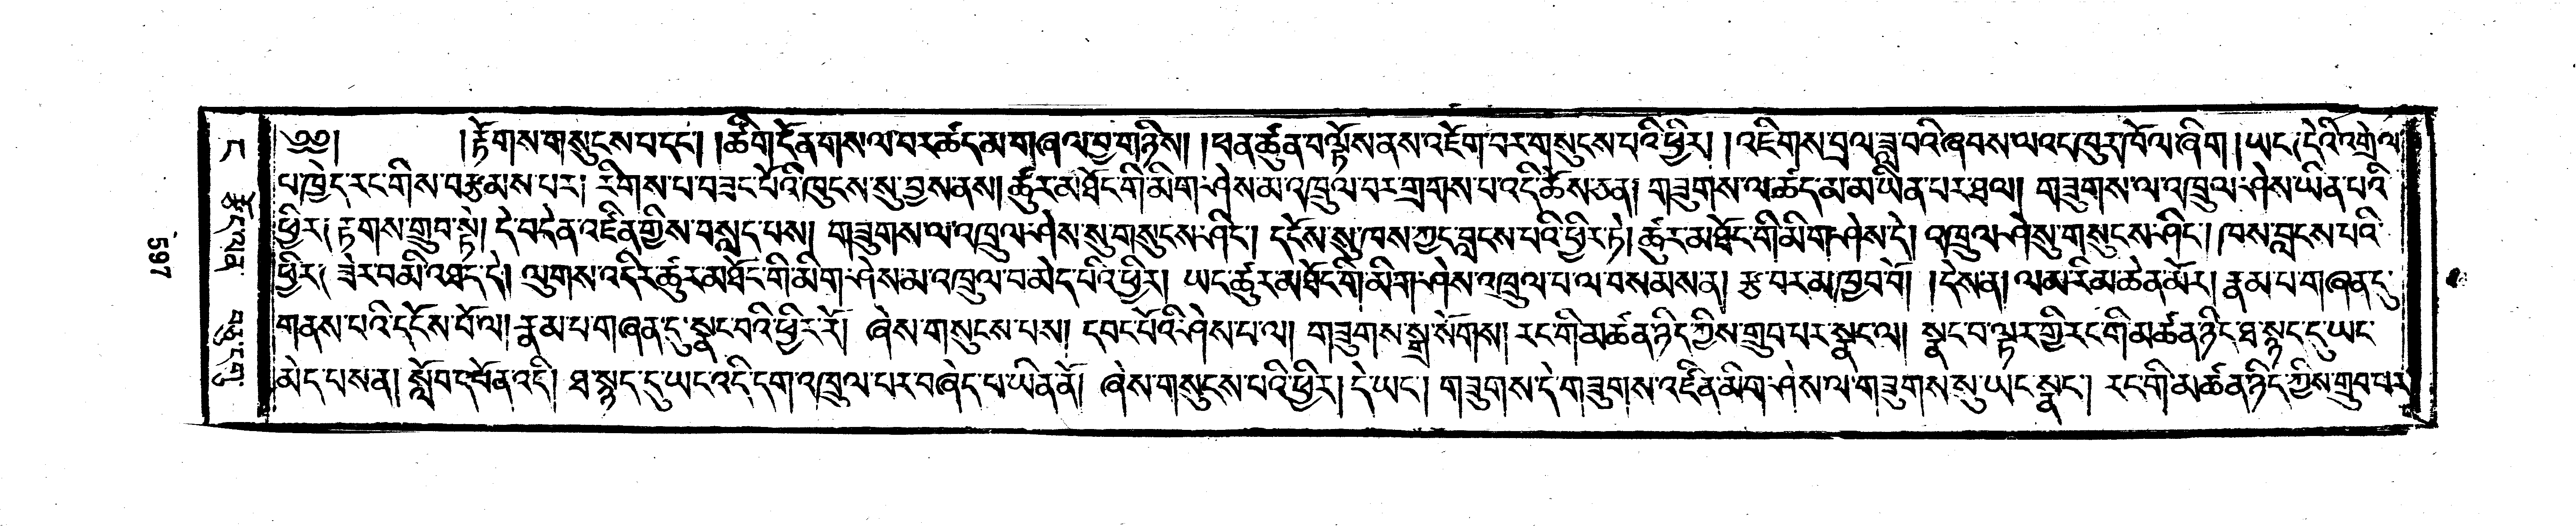༄༅། །རྟོགས་གསུངས་པ་དང་། །ཚིག་དོན་གསལ་བར་ཚད་མ་གཞལ་བྱ་གཉིས། །ཕན་ཚུན་བལྟོས་ནས་འཇོག་པར་གསུངས་པའི་ཕྱིར། །འཇིགས་བྲལ་ཟླ་བའི་ཞབས་ལའང་ཁུར་ཁོལ་ཞིག །ཡང་། དེའི་འགྲེལ་
པ་ཁྱེད་རང་གིས་བརྩམས་པར། རིགས་པ་བཟང་པོའི་ཁུངས་སུ་བྱས་ནས། ཚུར་མཐོང་གི་མིག་ཤེས་མ་འཁྲུལ་བར་གྲགས་པ་འདི་ཆོས་ཅན། གཟུགས་ལ་ཚད་མ་མ་ཡིན་པར་ཐལ། གཟུགས་ལ་འཁྲུལ་ཤེས་ཡིན་པའི་
ཕྱིར༑ རྟགས་གྲུབ་སྟེ། དེ་བདེན་འཛིན་གྱིས་བསླད་པས། གཟུགས་ལ་འཁྲུལ་ཤེས་སུ་གསུངས་ཤིང་། དངོས་སུ་ཁས་ཀྱང་བླངས་པའི་ཕྱིར་ཏེ། ཚུར་མཐོང་གི་མིག་ཤེས་དེ། འཁྲུལ་ཤེས་སུ་གསུངས་ཤིང་། ཁས་བླངས་པའི་
ཕྱིར༑ ཟེར་བ་མི་འཐད་དེ། ལུགས་འདིར་ཚུར་མཐོང་གི་མིག་ཤེས་མ་འཁྲུལ་བ་མེད་པའི་ཕྱིར། ཡང་ཚུར་མཐོང་གི་མིག་ཤེས་འཁྲུལ་བ་ལ་བསམས་ན། རྩ་བར་མ་ཁྱབ་བོ། །དེས་ན། ལམ་རིམ་ཆེན་མོར། རྣམ་པ་གཞན་དུ་
གནས་པའི་དངོས་པོ་ལ། རྣམ་པ་གཞན་དུ་སྣང་བའི་ཕྱིར་རོ། ཞེས་གསུངས་པས། དབང་པོའི་ཤེས་པ་ལ། གཟུགས་སྒྲ་སོགས། རང་གི་མཚན་ཉིད་ཀྱིས་གྲུབ་པར་སྣང་ལ། སྣང་བ་ལྟར་གྱི་རང་གི་མཚན་ཉིད་ཐ་སྙད་དུ་ཡང་
མེད་པས་ན། སློབ་དཔོན་འདི། ཐ་སྙད་དུ་ཡང་འདི་དག་འཁྲུལ་པར་བཞེད་པ་ཡིན་ནོ། ཞེས་གསུངས་པའི་ཕྱིར། དེ་ཡང་། གཟུགས་དེ་གཟུགས་འཛིན་མིག་ཤེས་ལ་གཟུགས་སུ་ཡང་སྣང་། རང་གི་མཚན་ཉིད་ཀྱིས་གྲུབ་པར་